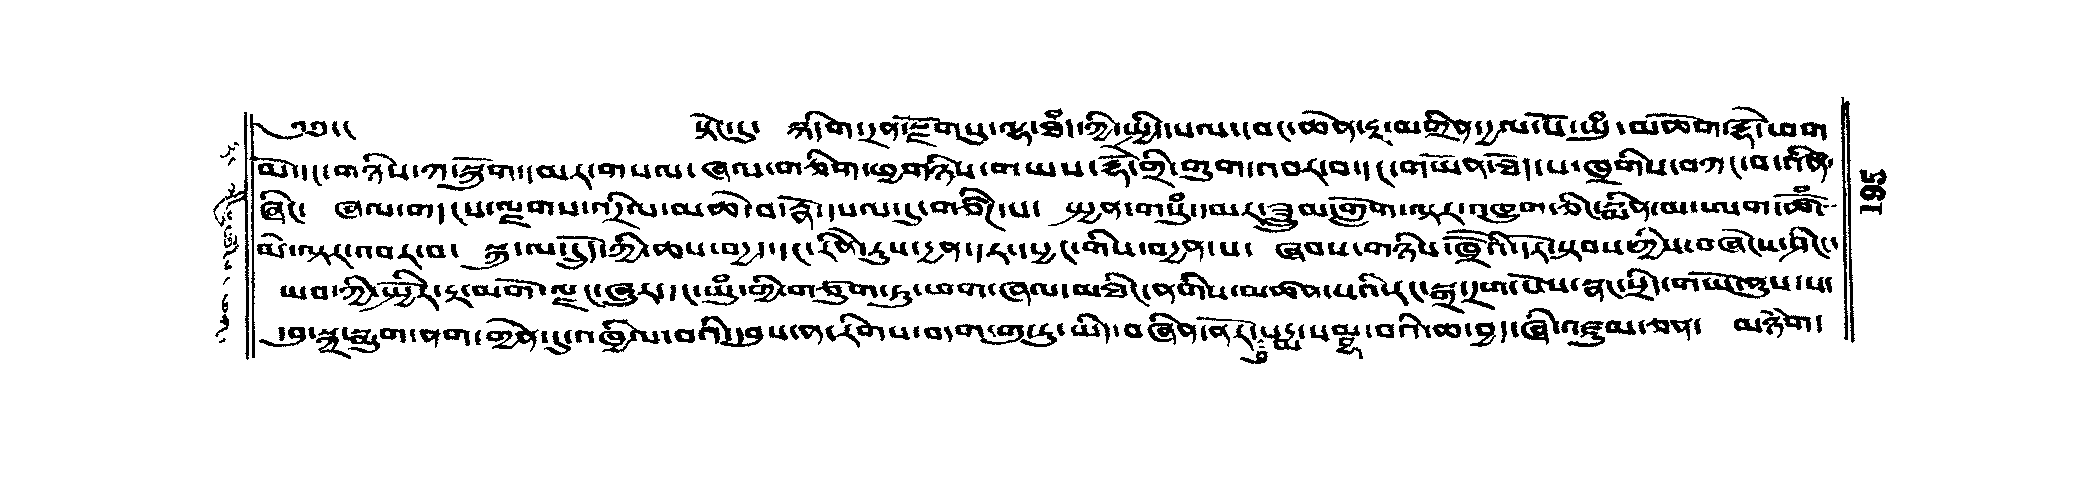སྟེང་དུ། སྐད་ཅིག་དྲན་རྫོགས་སུ་ལྷ་ཐམས་ཅད་ཀྱི་སྤྱི་དཔལ་དབང་ཆེན་རྟ་མགྲིན་རྒྱལ་པོ་ཡུམ་མཆོག་རྡོ་རྗེ་ཕག་
མོ་དང་གཉིས་ཀ་སྐུ་མདོག་དམར་གསལ་ཞལ་གཅིག་ཕྱག་གཉིས་གཡས་རྡོ་རྗེ་གྲི་གུག་འབར་བ་དང་གཡོན་ཐོད་པ་ཁྲག་གིས་བཀང་བ་འཛིན་
ཞིང་། ཞལ་གདངས་ལྗགས་འདྲིལ་མཆེ་བ་རྣོ་དཔལ་དུ་གཙིགས་པ། སྤྱན་གསུམ་དམར་ཟླུམ་གློག་ལྟར་འཁྱུག་ཅིང་སྨིན་མ་ཨག་ཚོམ་
མེ་ལྟར་འབར་བ། སྐུ་ལ་དུར་ཁྲོད་ཀྱི་ཆས་བརྒྱ་དང་རིན་ཆེན་རུས་རྒྱན་དར་དཔྱང་གིས་བརྒྱན་པ། ཞབས་གཉིས་ཁྲོ་བོའི་དོར་སྟབས་ཀྱིས་བཞེངས་ཤིང་
ཡབ་ཀྱི་སྤྱི་བོར་རྟ་མགོ་ལྗང་ཞུར་དང་ཡུམ་གྱི་གཙུག་ཏུ་ཕག་ཞལ་མཐིང་ནག་གིས་མཚན་པའི་རང་སྒྲ་དྲག་པོས་སྣང་སྲིད་གཡོ་ནུས་པ་
དབུ་སྐྲ་སྨུག་ནག་གྱེན་དུ་འཁྱིལ་བའི་དབུས་ན་རིགས་བདག་གུ་རུ་ཡིད་བཞིན་ནོར་བུ་པདྨ་སམྦྷ་བའི་ཆ་བྱད་ཞི་འཛུམ་ཅན། མཉམ་བཞག་